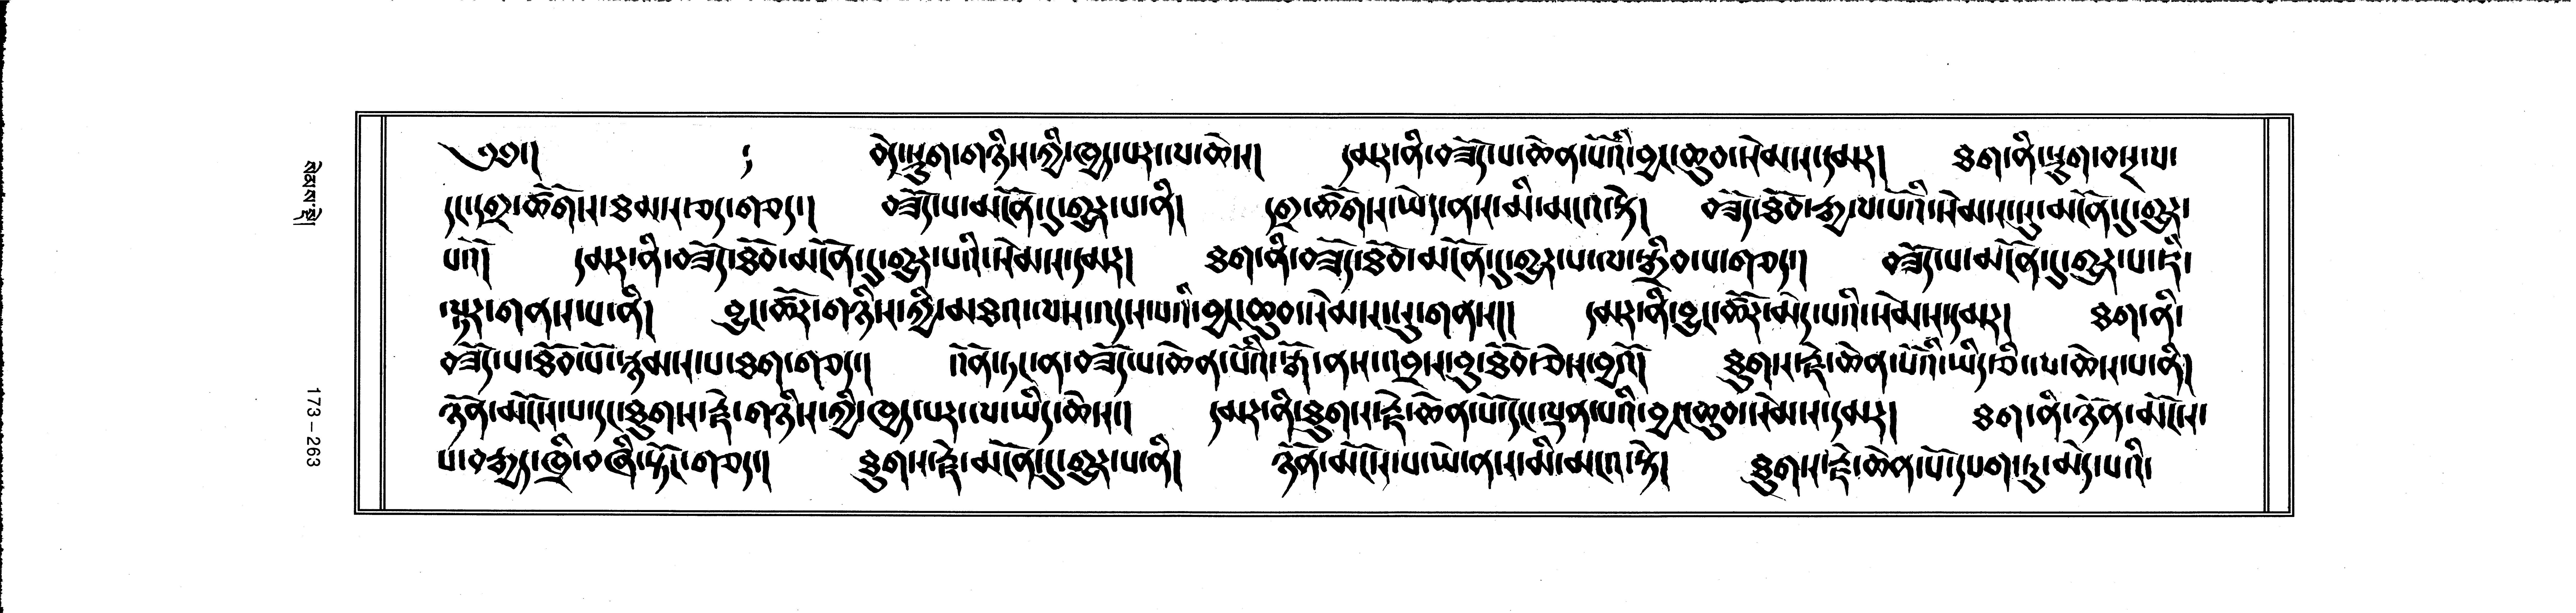བདེ་སྡུག་གཉིས་ཀྱི་ཁྱད་པར་ལ་ཆེས། དམར་ནི་བཟོད་པ་ཆེན་པོའི་བྱང་ཆུབ་ཀྱི་སེམས་དམར། ཐག་ནི་སྡུག་བསྔལ་
དང་དགྲ་ཚོགས་ཐམས་ཅད་གཅད། བཟོད་པ་མངོན་དུ་གྱུར་པ་ནི། དགྲ་ཚོགས་ཡེ་ནས་མི་མངའ་སྟེ། བཟོད་ཐོབ་རྒྱལ་པོའི་སེམས་སུ་མངོན་དུ་གྱུར་
པའོ། །དམར་ནི་བཟོད་ཐོབ་མངོན་དུ་གྱུར་པའི་སེམས་དམར། ཐག་ནི་བཟོད་ཐོབ་མངོན་དུ་གྱུར་པ་ལ་སྒྲིབ་པ་གཅད། བཟོད་པ་མངོན་དུ་གྱུར་པ་ཇི་
ལྟར་གནས་པ་ནི། བྱུང་ཚོར་གཉིས་ཀྱི་མཐའ་ལས་འདས་པའི་བྱང་ཆུབ་སེམས་སུ་གནས། དམར་ནི་བྱུང་ཚོར་མེད་པའི་སེམས་དམར། ཐག་ནི་
བཟོད་པ་ཐོབ་བོ་སྙམ་པ་ཐག་གཅད། འོན་ཏང་ན་བཟོད་པ་ཆེན་པོའི་སྒོ་ནས་འབྲས་བུ་ཐོབ་ཅེས་བྱའོ། །ཐུགས་རྗེ་ཆེན་པོའི་ཡིད་ཅི་ལ་ཆེས་པ་ནི།
 ཉོན་མོངས་པ་དང་ཐུགས་རྗེ་གཉིས་ཀྱི་ཁྱད་པར་ལ་ཡིད་ཆེས། དམར་ནི་ཐུགས་རྗེ་ཆེན་པོ་དང་ལྡན་པའི་བྱང་ཆུབ་སེམས་དམར། ཐག་ནི་ཉོན་མོངས་
པ་བརྒྱད་ཁྲི་བཞི་སྟོང་གཅད། ཐུགས་རྗེ་མངོན་དུ་གྱུར་པ་ནི། ཉོན་མོངས་པ་ཡེ་ནས་མི་མངའ་སྟེ། ཐུགས་རྗེ་ཆེན་པོ་དཔག་ཏུ་མེད་པའི་